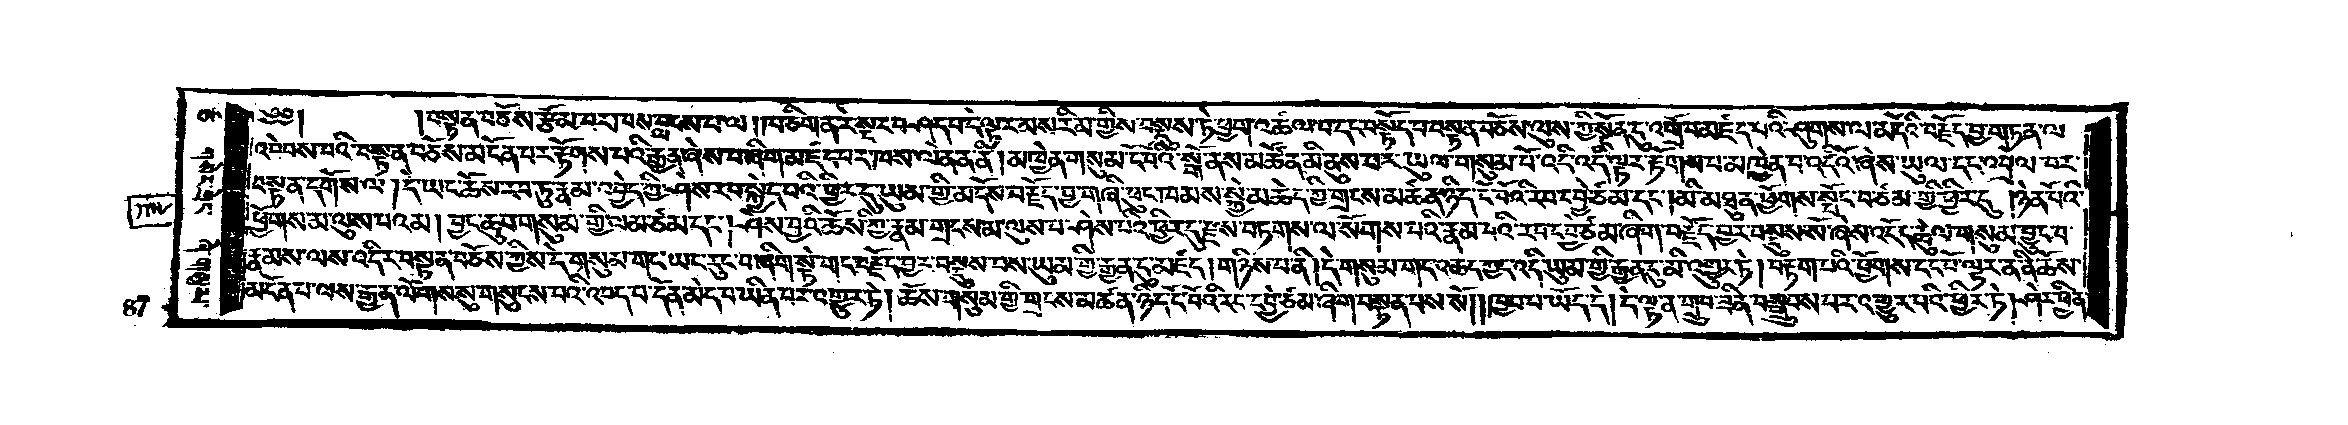༄༅། །བསྟན་བཅོས་རྩོམ་པར་ཁས་བླངས་པ་ལ། ཁ་ཅིག་ན་རེ་སྔར་བཤད་པ་དེ་ལྟར་མས་རིམ་གྱིས་བསྡུས་ཏེ་ཕྱག་འཚལ་བ་དང་བསྟོད་པ་བསྟན་བཅོས་ལུས་ཀྱི་སྔོན་དུ་འགྲོ་བ་མཛད་པའི་ཤུགས་ལ་མདོའི་བརྗོད་བྱ་གཏན་ལ་
འབེབས་པའི་བསྟན་བཅོས་མངོན་པར་རྟོགས་པའི་རྒྱན་ཞེས་པ་ཞིག་མཛད་པར་ཁས་ལེན་ན་ནི། མཁྱེན་གསུམ་ངོ་བོའི་སྒོ་ནས་མཚོན་མི་ནུས་པར་ཡུལ་གསུམ་པོ་འདི་འདི་ལྟར་རྟོགས་པ་མཁྱེན་པ་འདིའོ་ཞེས་ཡུལ་དང་འཕྲེལ་བར་
བསྟན་དགོས་ལ། དེ་ཡང་ཆོས་རབ་ཏུ་རྣམ་འབྱེད་ཀྱི་ཤེས་རབ་སྐྱེད་པའི་ཕྱིར་དུ་ཡུམ་གྱི་མདོས་བརྗོད་བྱ་གཞི་ཕུང་ཁམས་སྐྱེ་མཆེད་ཀྱི་གྲངས་མཚན་ཉིད་ངོ་བོའི་རབ་དབྱེ་ཙམ་དང་། མི་མཐུན་ཕྱོགས་སྤོང་བ་ཙམ་གྱི་ཕྱིར་དུ། ཉེན་པོའི་
ཕྱོགས་མ་ལུས་པའམ། བྱང་ཆུབ་གསུམ་གྱི་ལམ་ཙམ་དང་། ཤེས་བྱའི་ཆོས་ཀྱི་རྣམ་གྲངས་མ་ལུས་པ་ཤེས་པའི་ཕྱིར་དུ་རྫས་བཏགས་ལ་སོགས་པའི་རྣམ་པའི་རབ་དབྱེ་ཙམ་ཞིག་བརྗོད་བྱར་བསྡུས་སོ་ཞེས་འདོད་ཚུལ་གསུམ་བྱུང་བ་
རྣམས་ལས་འདིར་བསྟན་བཅོས་ཀྱིས་དེ་གསུམ་གང་ཡང་རུང་བ་ཞིག་སྟེ་གང་བརྗོད་བྱར་བསྡུས་པས་ཡུམ་གྱི་རྒྱན་དུ་མཛད། གཉིས་པ་ནི། དེ་གསུམ་གང་འཆད་ཀྱང་འདི་ཡུམ་གྱི་རྒྱན་དུ་མི་འགྱུར་ཏེ། བརྟག་པའི་ཕྱོགས་དང་པོ་ལྟར་ན་ནི་ཆོས་
མངོན་པ་ལས་རྒྱན་ལོགས་སུ་གསུངས་པའི་འབད་པ་དོན་མེད་པ་ཡིན་པར་འགྱུར་ཏེ། ཆོས་གསུམ་གྱི་གྲངས་མཚན་ཉིད་ངོ་བོའི་རང་དབྱེ་ཙམ་ཞིག་བསྟན་པས་སོ། །ཁྱབ་པ་ཡོད་དེ། དེ་ལྟ་ན་གྲུབ་ཟིན་བསྒྲུབས་པར་འགྱུར་པའི་ཕྱིར་ཏེ། ཤེར་ཕྱིན་